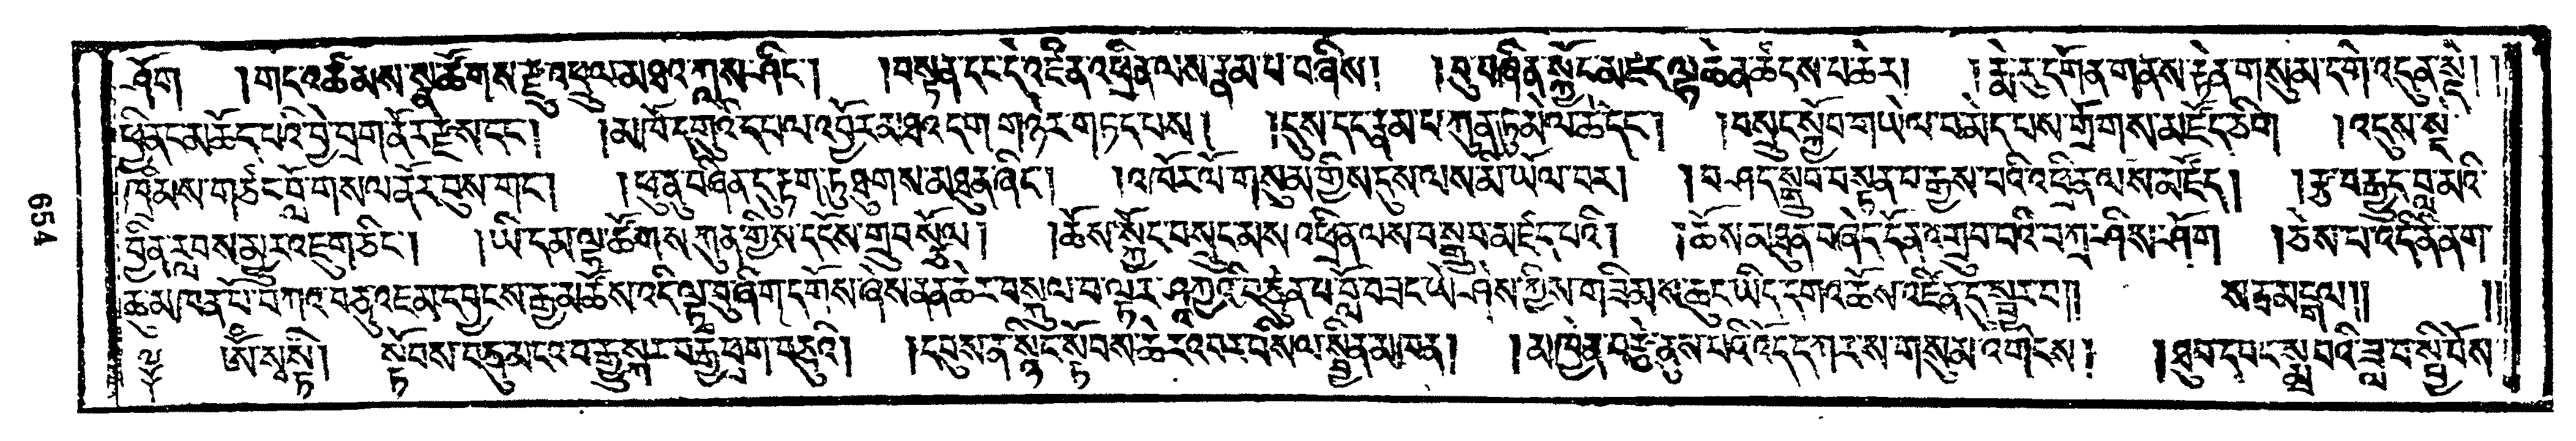ཤོག །གང་འཚམས་སྣ་ཚོགས་རྫུ་འཕྲུལ་མཐའ་ཀླས་ཤིང་། །བསྟན་དང་དེ་འཛིན་འཕྲིན་ལས་རྣམ་པ་བཞིས། །བུ་བཞིན་སྐྱོང་མཛད་ལྷ་ཆེན་ཚངས་པ་ཆེར། །རྨེ་རུ་དགོན་གནས་རྟེན་གསུམ་དགེ་འདུན་སྡེ། །
ཕྱི་ནང་མཆོད་པའི་བྱེ་བྲག་ནོར་རྫས་དང་། །མཁོ་དགུའི་དཔལ་འབྱོར་མཐའ་དག་གཉེར་གཏད་པས། །དུས་དང་རྣམ་པ་ཀུན་ཏུ་མེལ་ཆེ་དང་། །བསྲུང་སྐྱོབ་གཡེལ་བ་མེད་པས་གྲོགས་མཛོད་ཅིག །འདུས་སྡེ་
ཁྲིམས་གཙང་བློ་གསལ་ནོར་བུས་གང་། །ཕུ་ནུ་བཞིན་དུ་རྟག་ཏུ་ཐུགས་མཐུན་ཞིང་། །འཁོར་ལོ་གསུམ་གྱིས་དུས་ལས་མི་ཡོལ་བར། །བཤད་སྒྲུབ་བསྟན་པ་རྒྱས་པའི་འཕྲིན་ལས་མཛོད། །རྩ་བརྒྱུད་བླ་མའི་
བྱིན་རླབས་མྱུར་འཇུག་ཅིང་། །ཡི་དམ་ལྷ་ཚོགས་ཀུན་གྱིས་དངོས་གྲུབ་སྩོལ། །ཆོས་སྐྱོང་བསྲུང་མས་འཕྲིན་ལས་བསྒྲུབ་མཛད་པའི། །ཆོས་མཐུན་བཞེད་དོན་འགྲུབ་པའི་བཀྲ་ཤིས་ཤོག །ཅེས་པ་འདི་ནི་ནག་
ཆུ་མཁན་པོ་བཀའ་བཅུ་འཇམ་དབྱངས་རྒྱ་མཚོས་འདི་ལྟ་བུ་ཞིག་དགོས་ཞེས་ནན་ཆེར་བསྐུལ་བ་ལྟར་ཤཱཀྱའི་བཙུན་པ་བློ་བཟང་ཡེ་ཤེས་ཀྱིས་གཟིམས་ཆུང་ཡིད་དགའ་ཆོས་འཛིན་དུ་སྦྱར་བ།། སརྦ་མངྒལ།། །།
༈ ཨོཾ་སྭསྟི། སྟོབས་བཅུ་མངའ་བ་རྒྱུ་སྐར་བརྒྱ་ཕྲག་བཅུའི། །དབུས་ན་སྙིང་སྟོབས་ཆེར་འབར་བསིལ་སྦྱིན་མཁན། །མཁྱེན་བརྩེ་ནུས་པའི་འོད་དཀར་ས་གསུམ་འགེངས། །ཐུབ་དབང་སྨྲ་བའི་ཟླ་བ་སྤྱི་བོས་